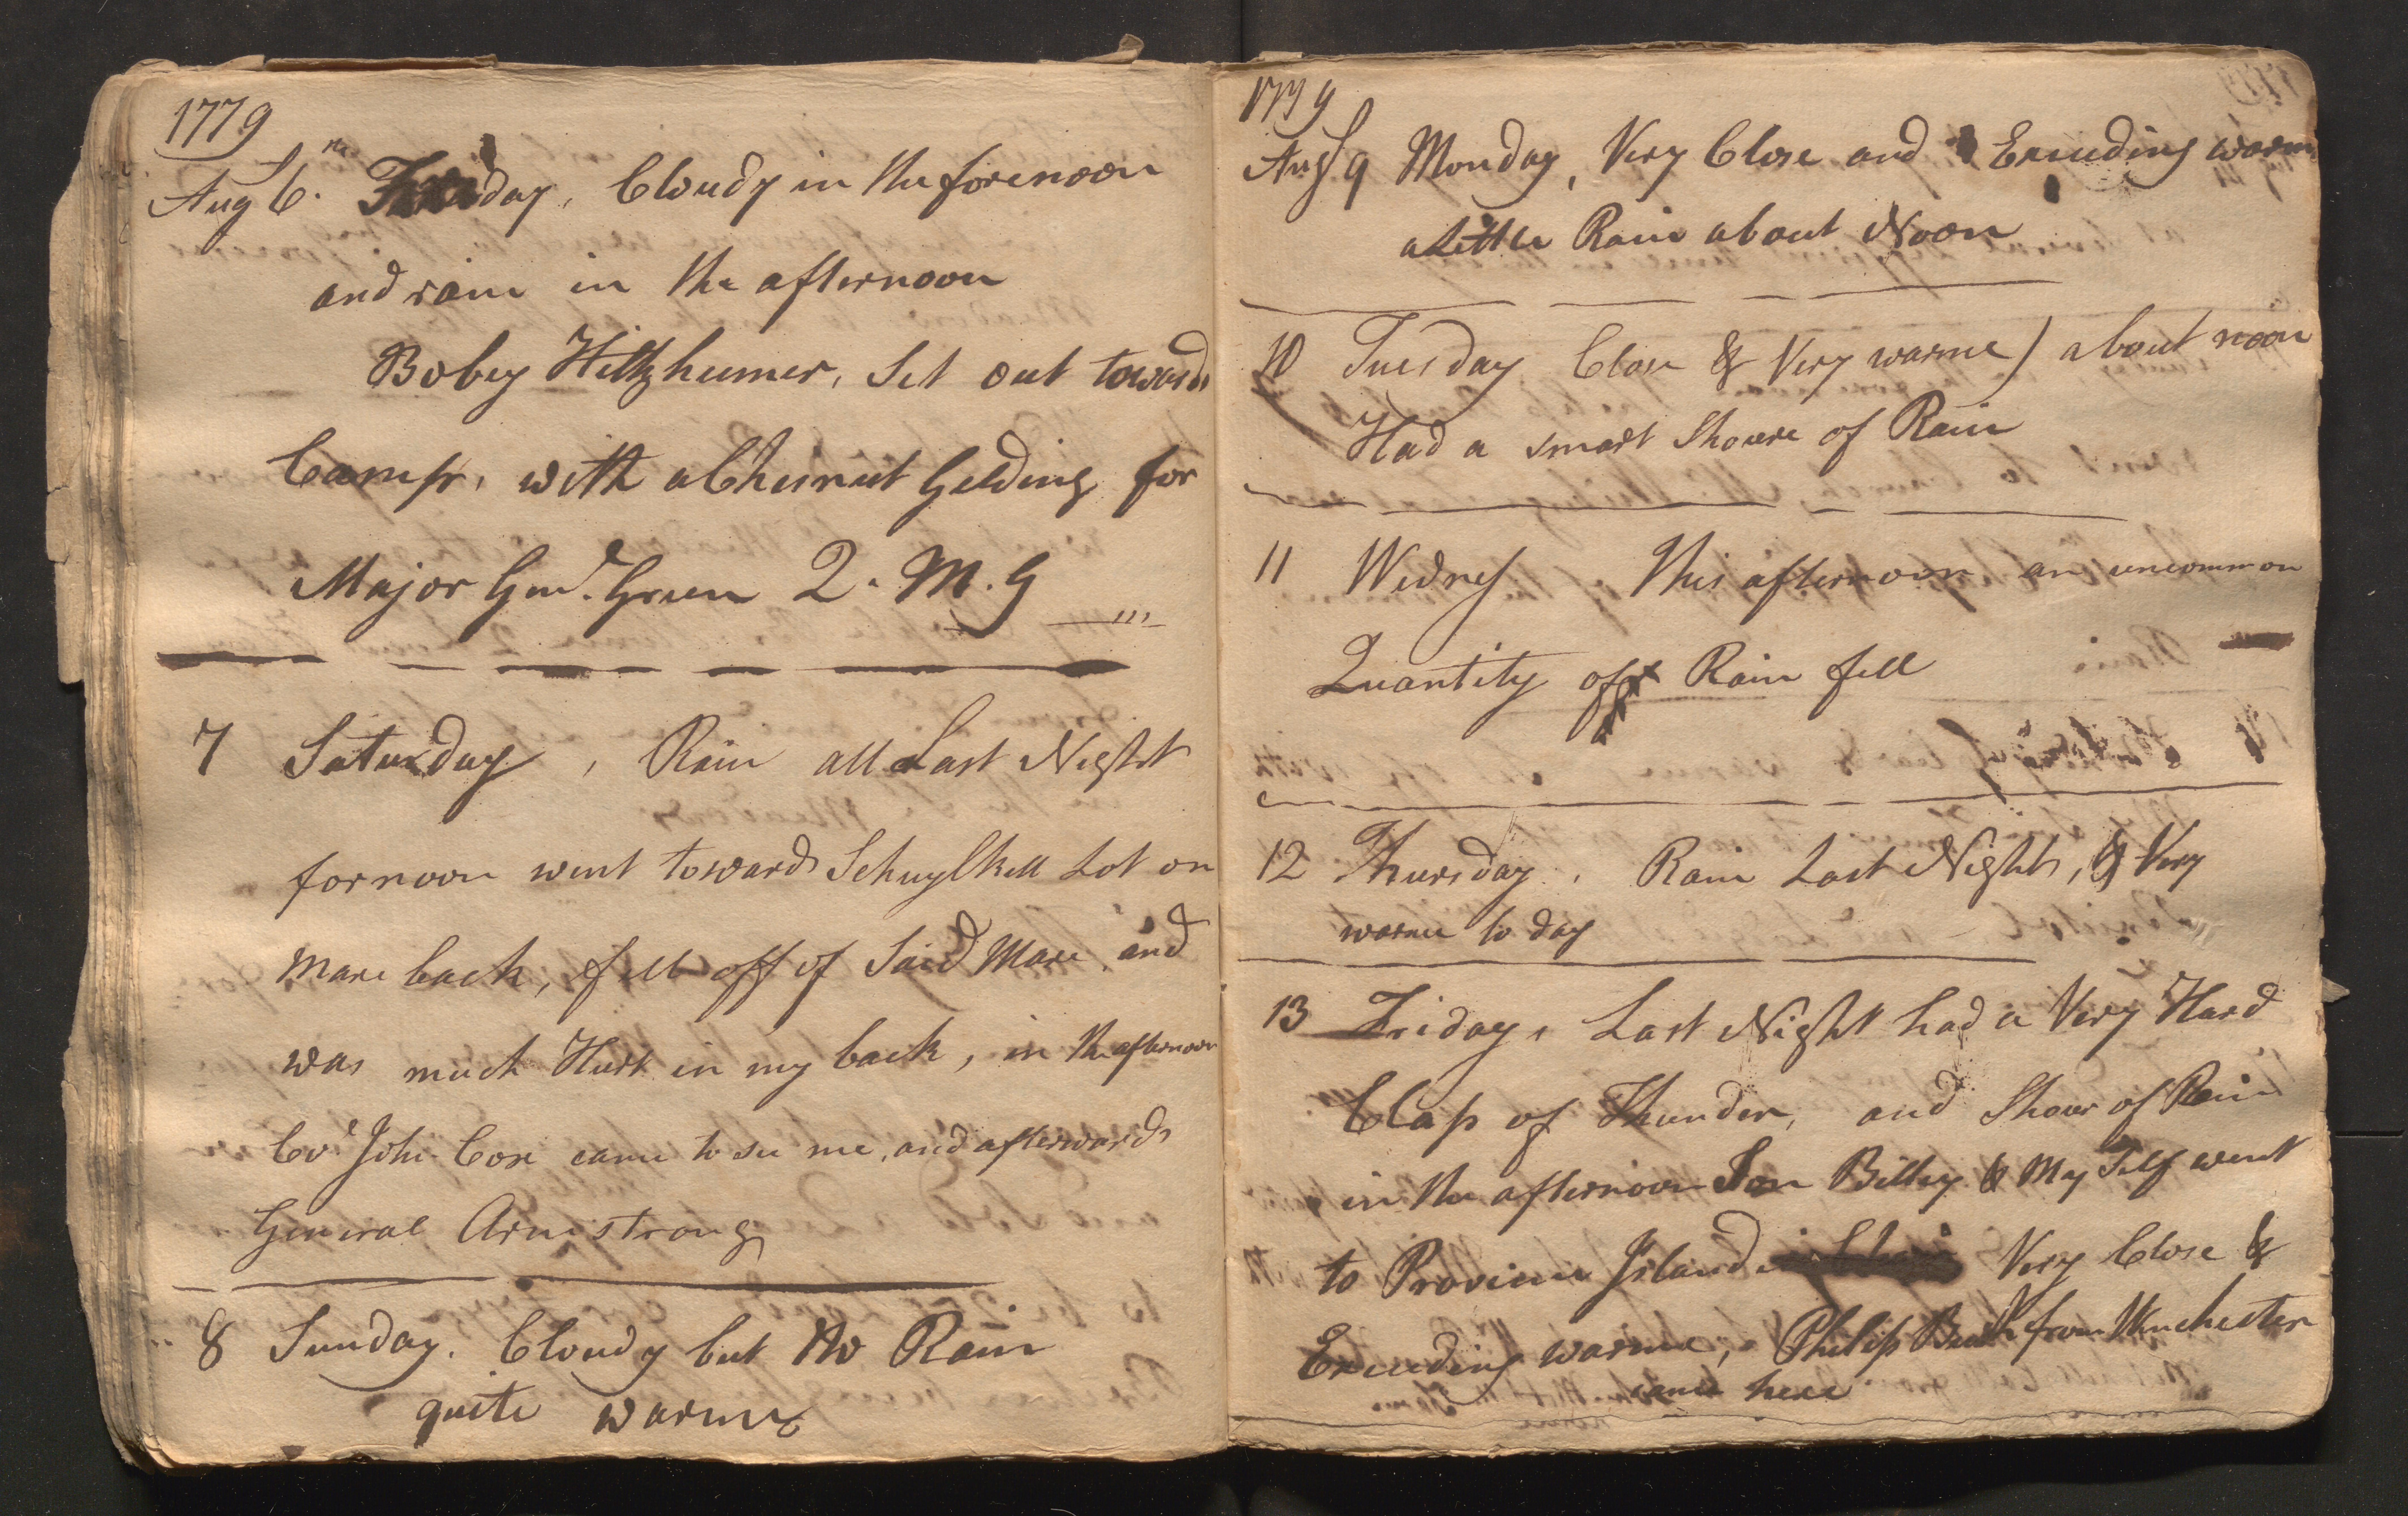1779
Aug 6^th. Friday, Cloudy in the forenoon
and rain in the afternoon
Bobey Hiltzheimer, Set out towards
Camp, with a Chesnut Gelding for
Major Gou^l. Green Q.W.G
7 Saturday, Rain all Last Night
fornoon went toward Schuylkill Lot on
Mareback, fell off of Said Mare and
was much Hurt in my back, in the afternoon
Co^l. John Cox, came to see me, and afterwards
General Armstrong
8 Sunday. Cloudy but no Rain
quite warme
1779
Aug^t 9 Monday, Very Close and 3 Exceeding warm
a Little Rain about Noon
10 Tuesday Close & Very warme) about noon
Hlad a smart Shoure of Rain
11 Wednes This afternoon an uncommon
Quantity of[_] Rain fell
12 Thursday. Rain Last Night, 9 Very
warme to day
13 Friday, Last Night had a Very Hard
Clap of Thunder, and Shour of Rain
in the afternoon Son Billey & My self went
to Province Island [______] Very Close &
Exceeding warme, Philip Bush from Winchester
came here